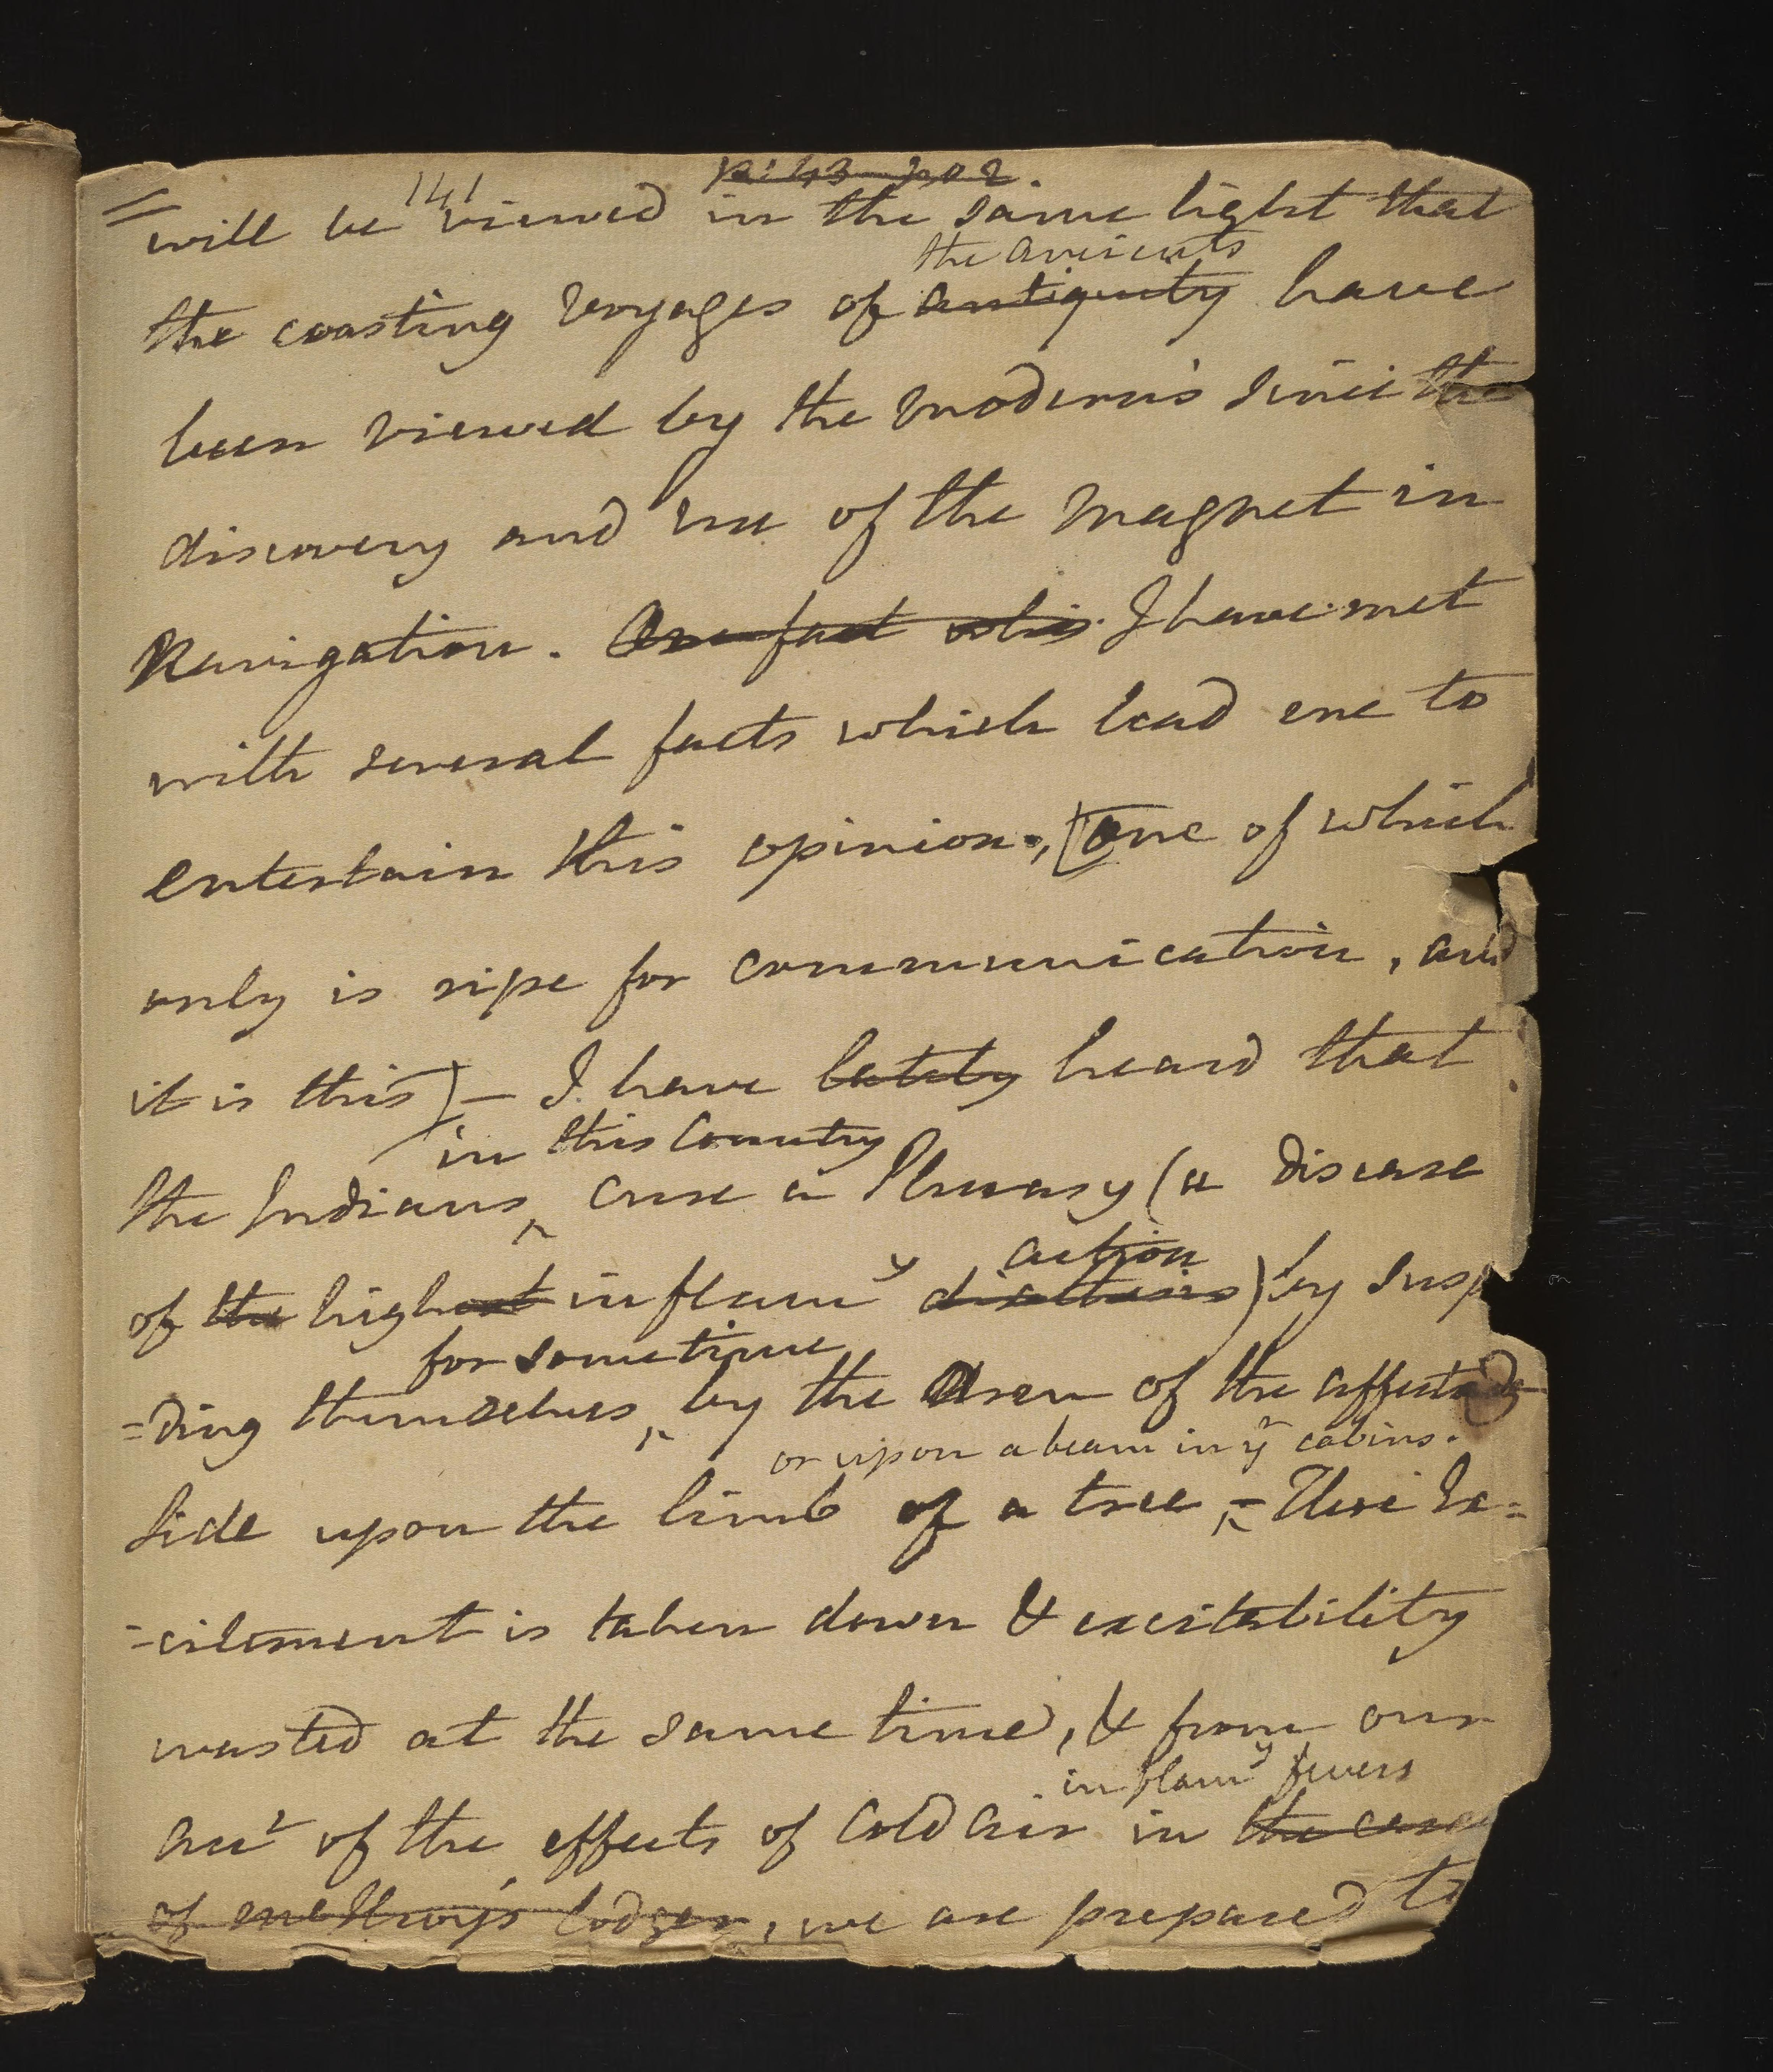141
p: 43 pg 2
will be viewed in the same light that
the ancients
the coasting voyages of [antiquity] have
been viewed by the Indians' since the
discovery and use of the magnet in
Navigation. [One fact also] I have met
with several facts which lead one to
entertain this opinion. (One of which
only is ripe for communication, and
it is this) I have [lately] heard that
in this country
the Indians ^ cure a Pleurasy (a disease
action
of [the] high[est] inflam^y [diathesis]) by susp
for sometime
-ding themselves ^ by the draw of the affecting
or upon a beam in y^e cabins.
side upon the limb of a tree ^ These Ex-
-citement is taken down & excitability
wasted at the same time, & from our
inflam^y fevers
Acc^t of the effects of cold air in [the case]
[of ease Stroy's ledger] we are prepared